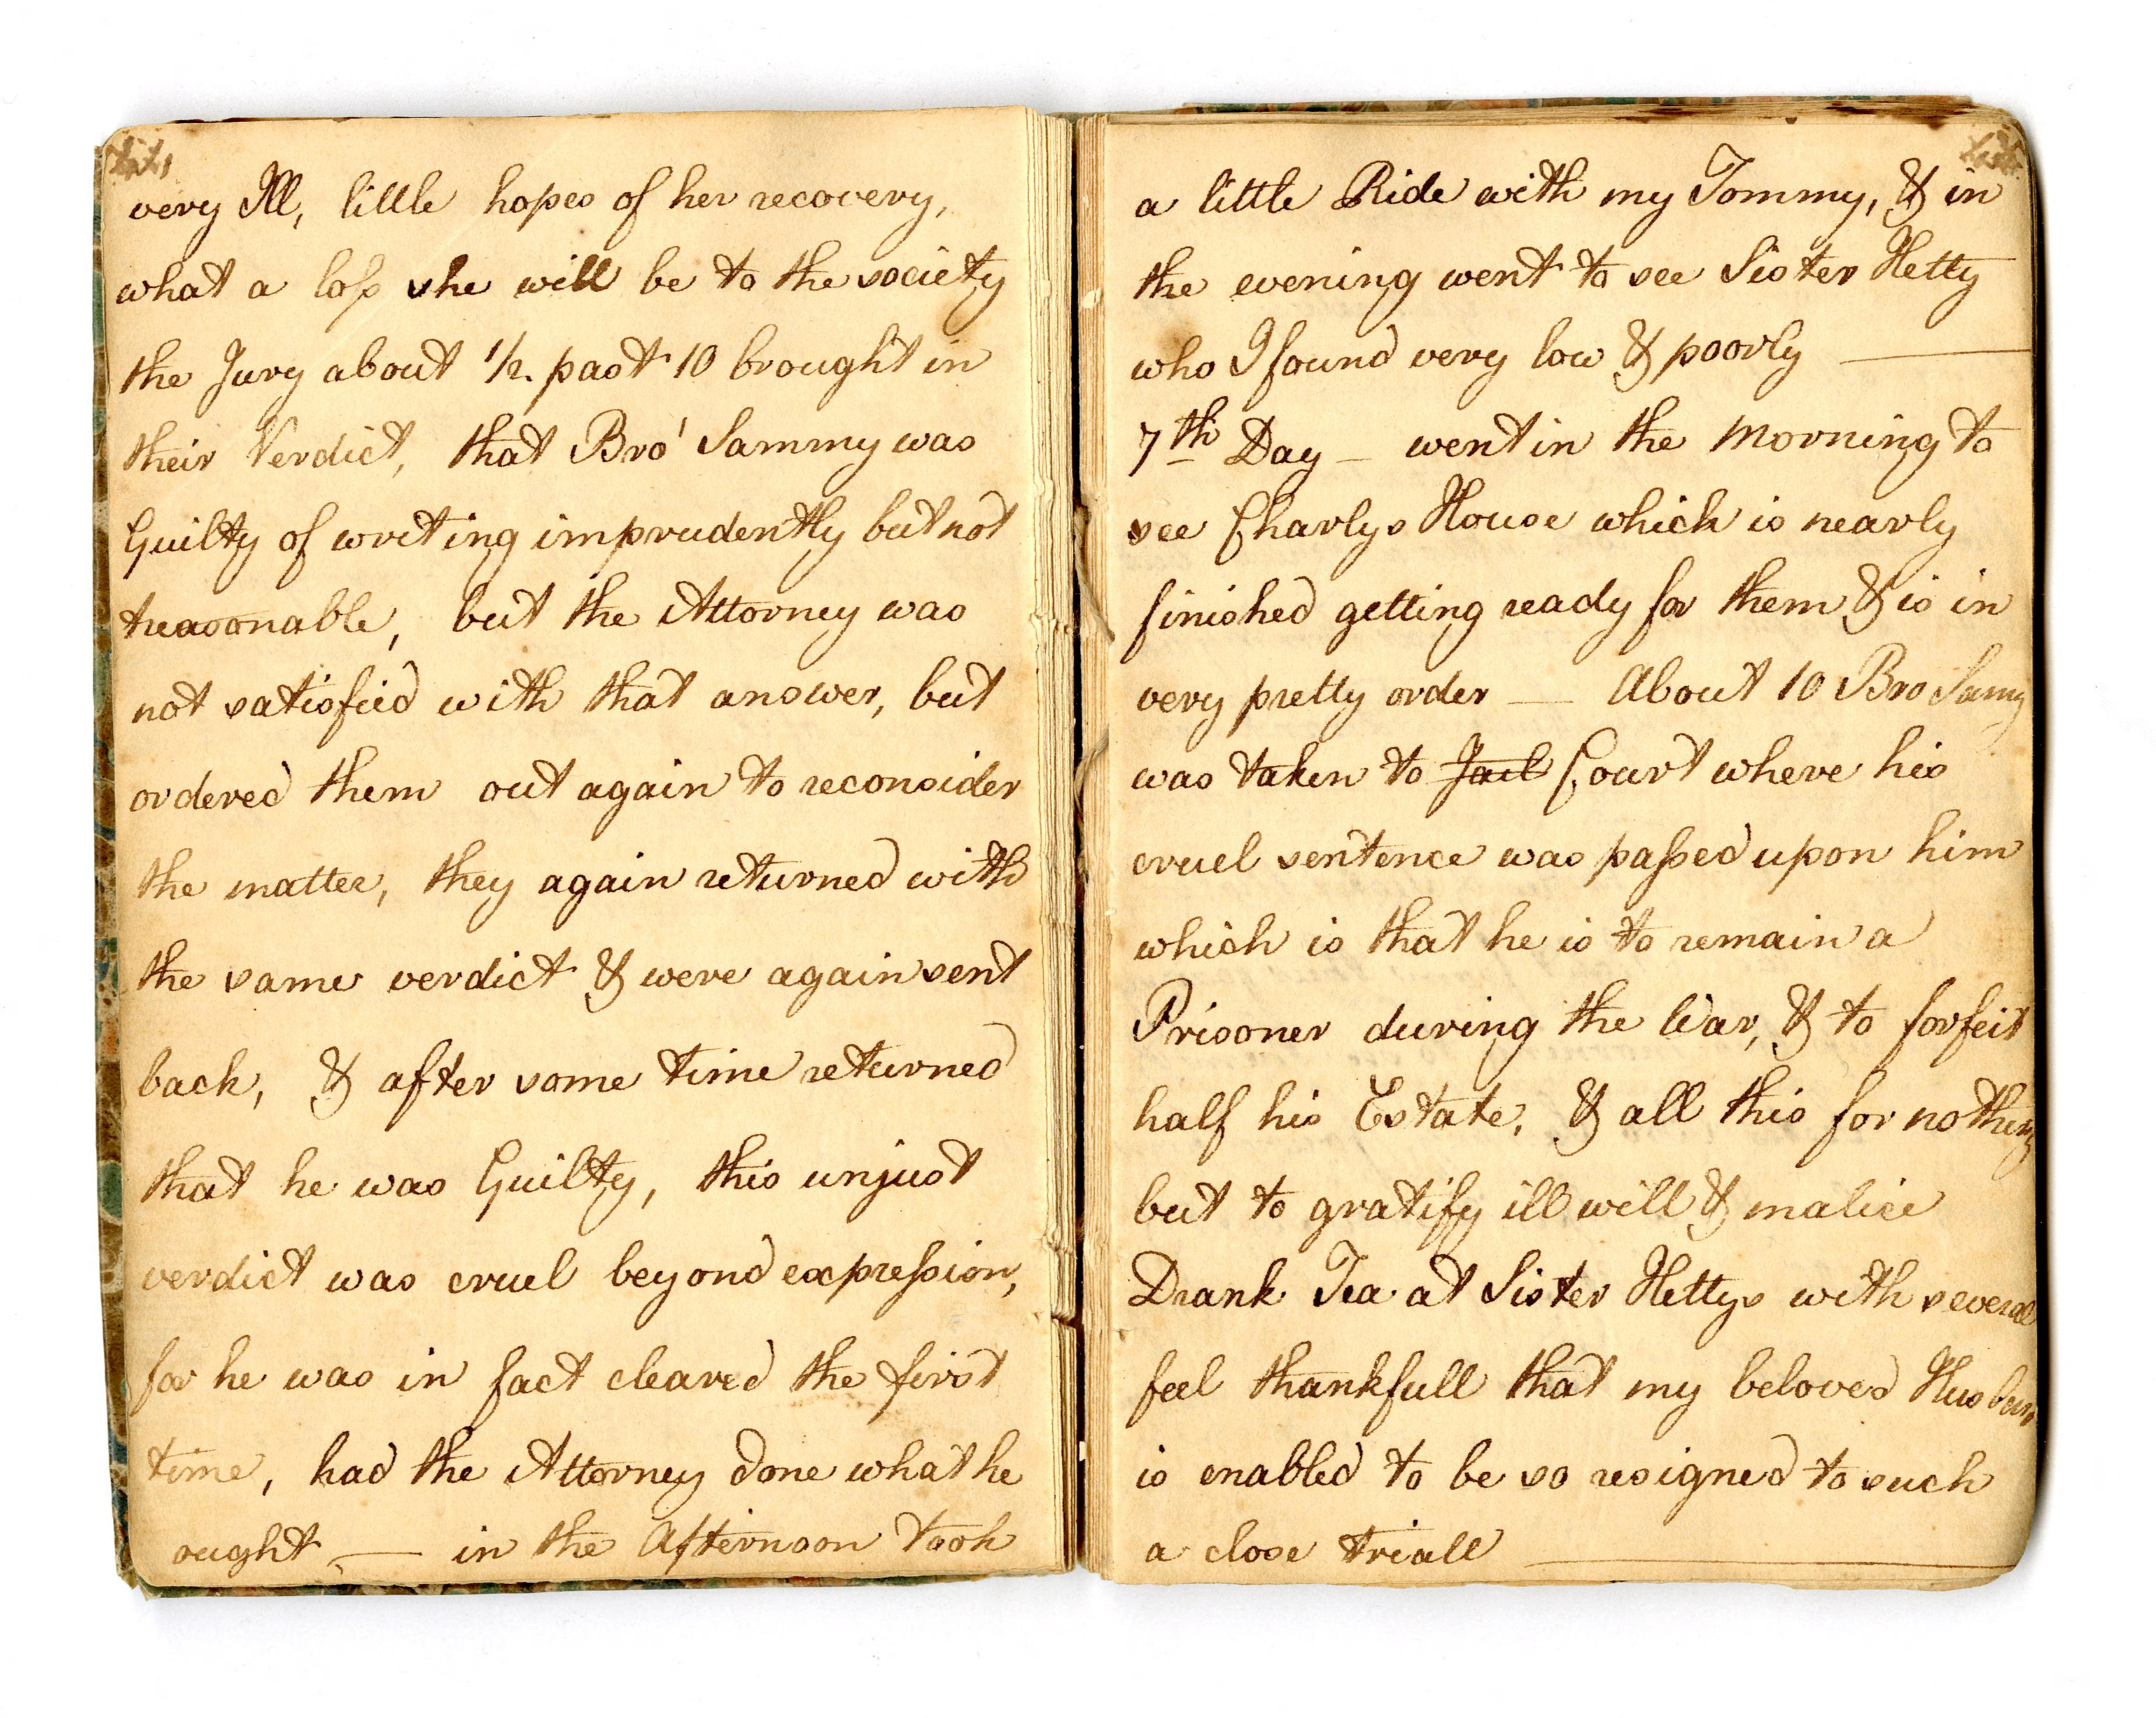44
very Ill, little hopes of her recovery,
what a loss she will be to the society
the Jury about 1/2 past 10 brought in
their Verdict, that Bro' Sammy was
Guilty of writing imprudently but not
treasonable, but the Attorney was
not satisfied with that answer, but
ordered them out again to reconsider
the matter, they again returned with
the same verdict & were again sent
back, & after some time returned
that he was Guilty, this unjust
verdict was cruel beyond expression,
for he was in fact cleard the first
time, had the Attorney done what he
ought- in the Afternoon took
45
a little Ride with my Tommy, & in
the evening went to see Sister Hetty
who I found very low & poorly-
7^th Day- went in the morning to
see Charlys House which is nearly
finished getting ready for them & is in
very pretty order- About 10 Bro Samy
was taken to [Jail] Court where his
cruel sentence was passed upon him
which is that he is to remain a
Prisoner during the War, & to forfeit
half of his Estate, & all this for nothing
but to gratify ill will & malice
Drank Tea at Sister Hettys with several
feel thankfull that my beloved Husban[d]
is enabled to be so resigned to such
a close triall